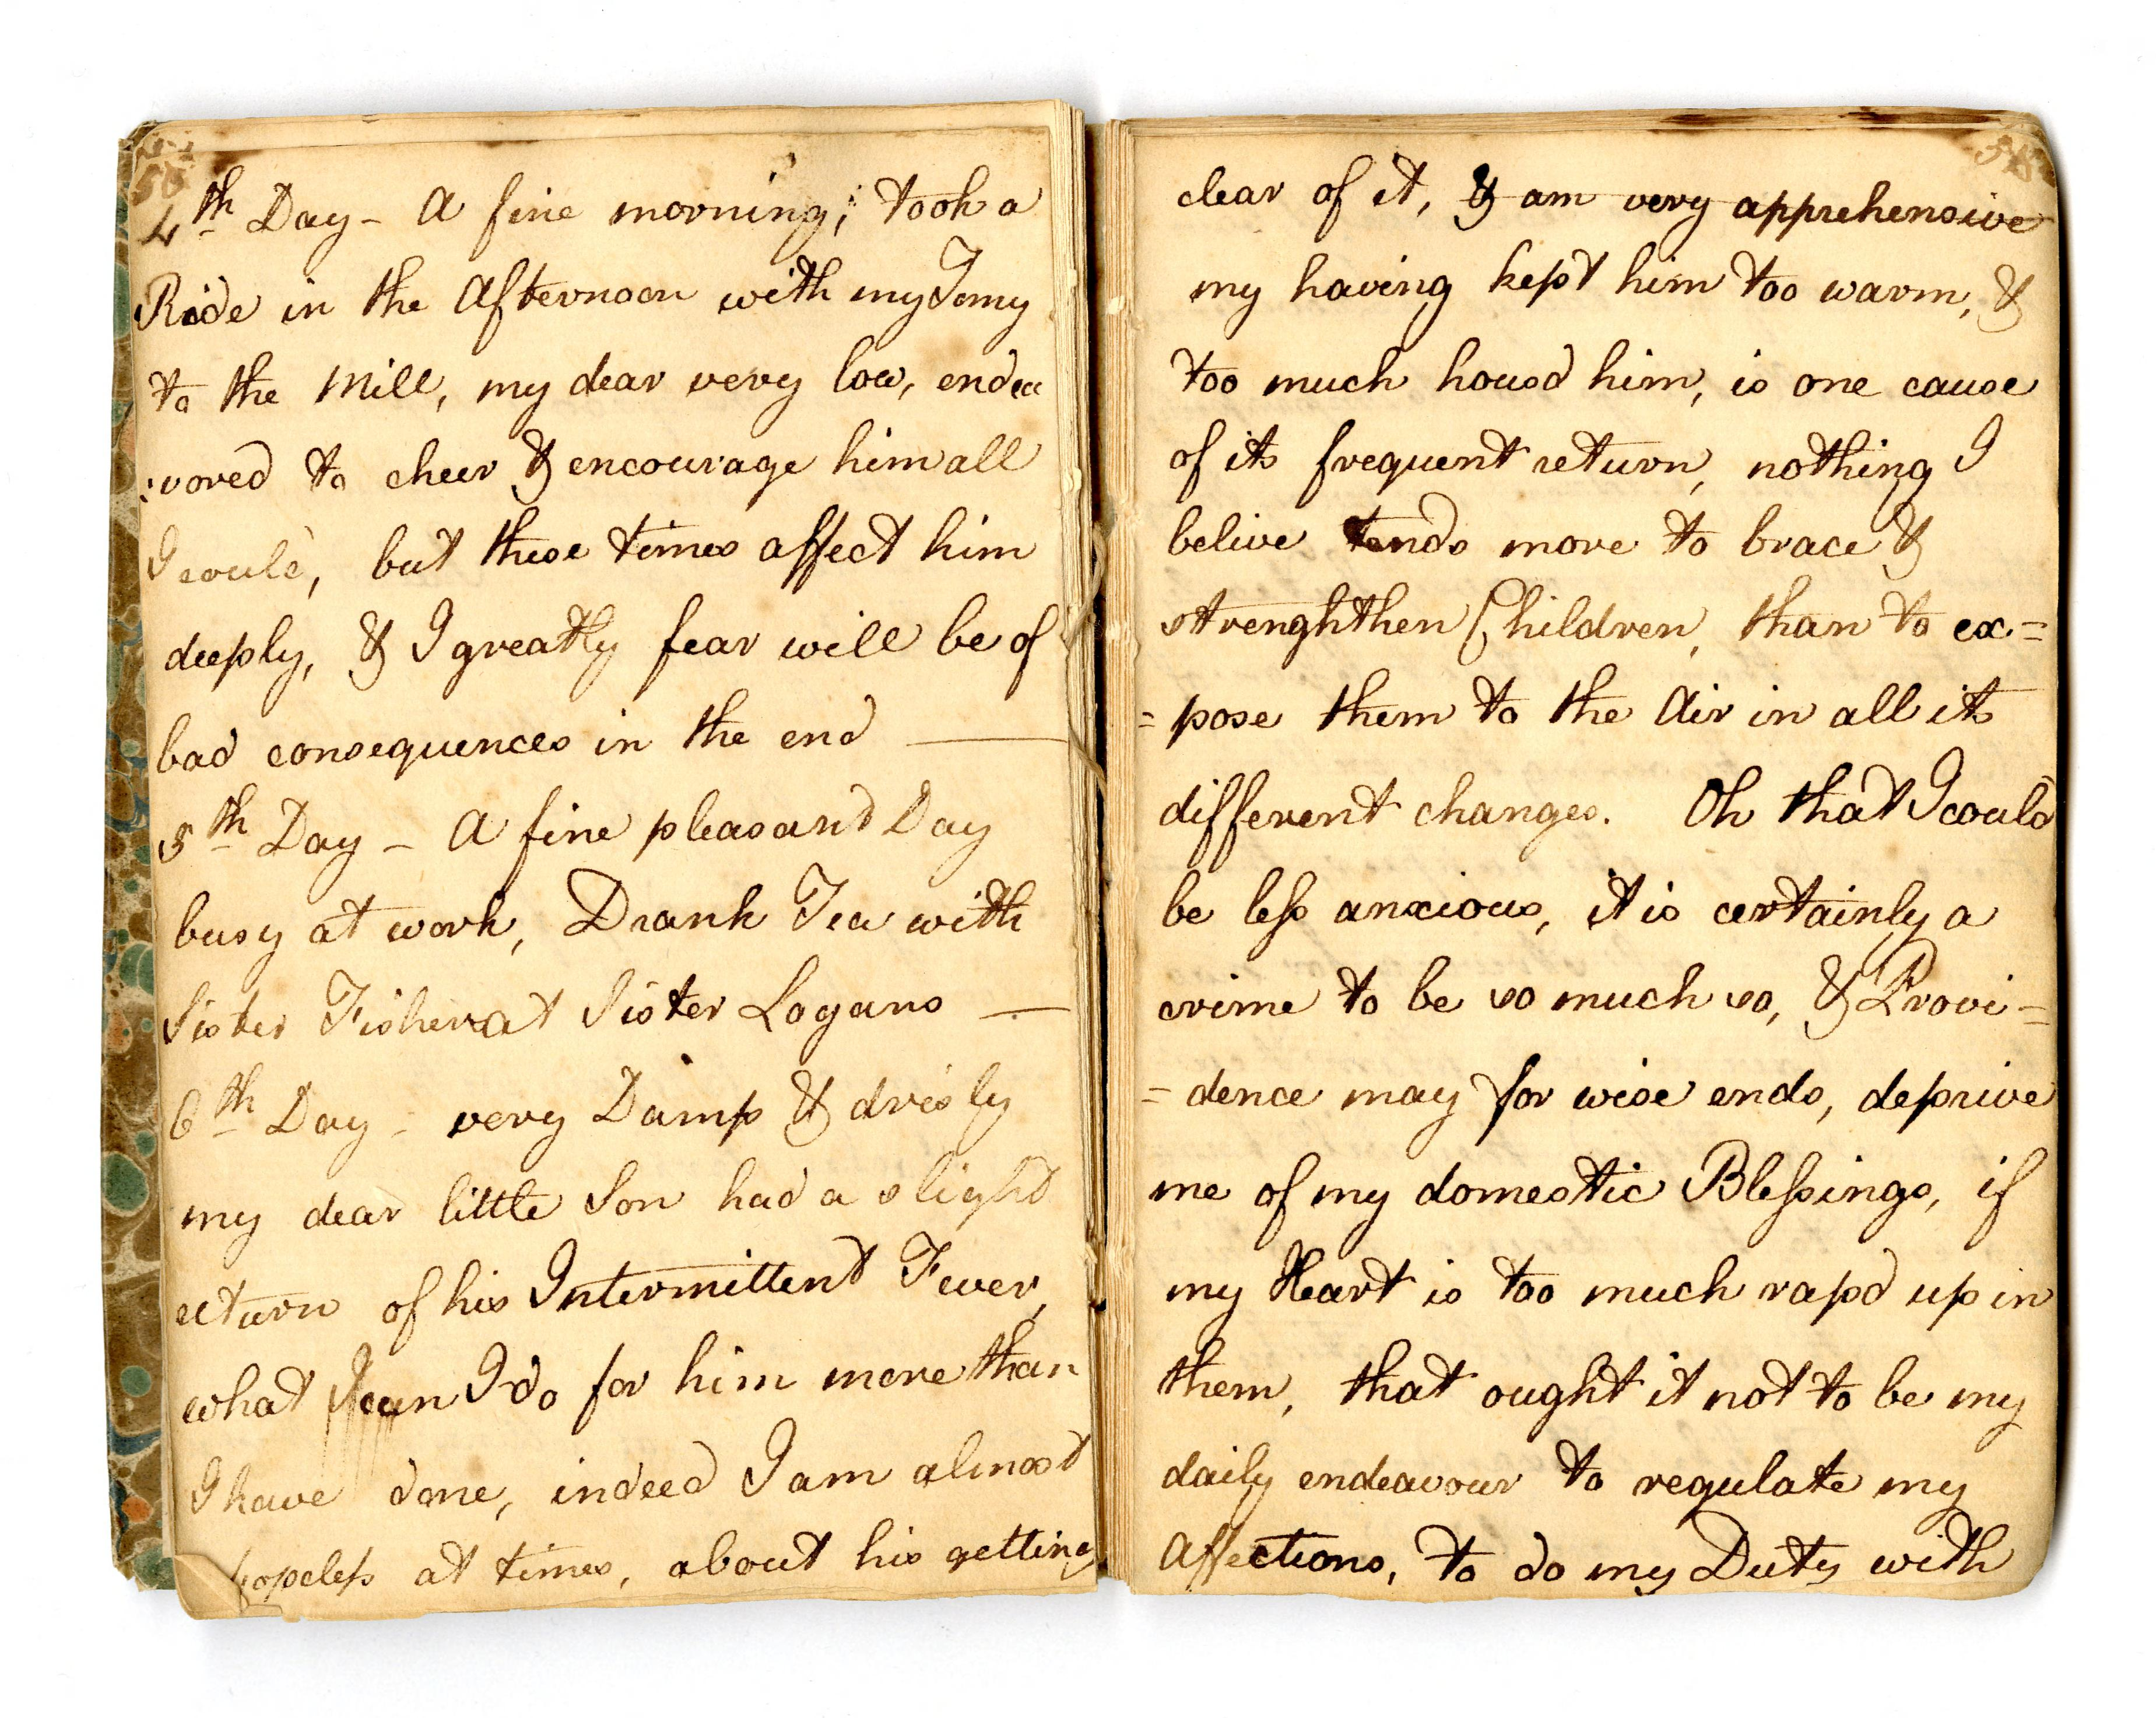50
4^th Day- A fine morning; took a
Ride in the Afternoon with my Tomy
to the Mill, my dear very low, endea
-vored to cheer & encourage him all
I could, but these times affect him
deeply, & I greatly fear will be of
bad consequences in the end-
5^th Day- A fine pleasant Day
busy at work, Drank Tea with
Sister Fisher at Sister Logans
6^th Day- very Damp & drisly
my dear little Son a slight
return of his Intermittent Fever,
what I can I do for him more than
I have done, indeed I am almost
hopeless at times, about his getting
51
clear of it, & am very apprehensive
my having kept him too warm, &
too much housd him, is one cause
of its frequent return, nothing I
belive tends more to brace &
strenghthen Children, than to ex-
-pose them to the Air in all its
different changes. Oh that I could
be less anxious, it is certainly a
crime to be so much so, & Provi-
-dence may for wise ends, deprive
me of my domestic Blessings, if
my Heart is too much rapd up in
them, that ought it not to be my
daily endeavour to regulate my
Affections, to do my Duty with